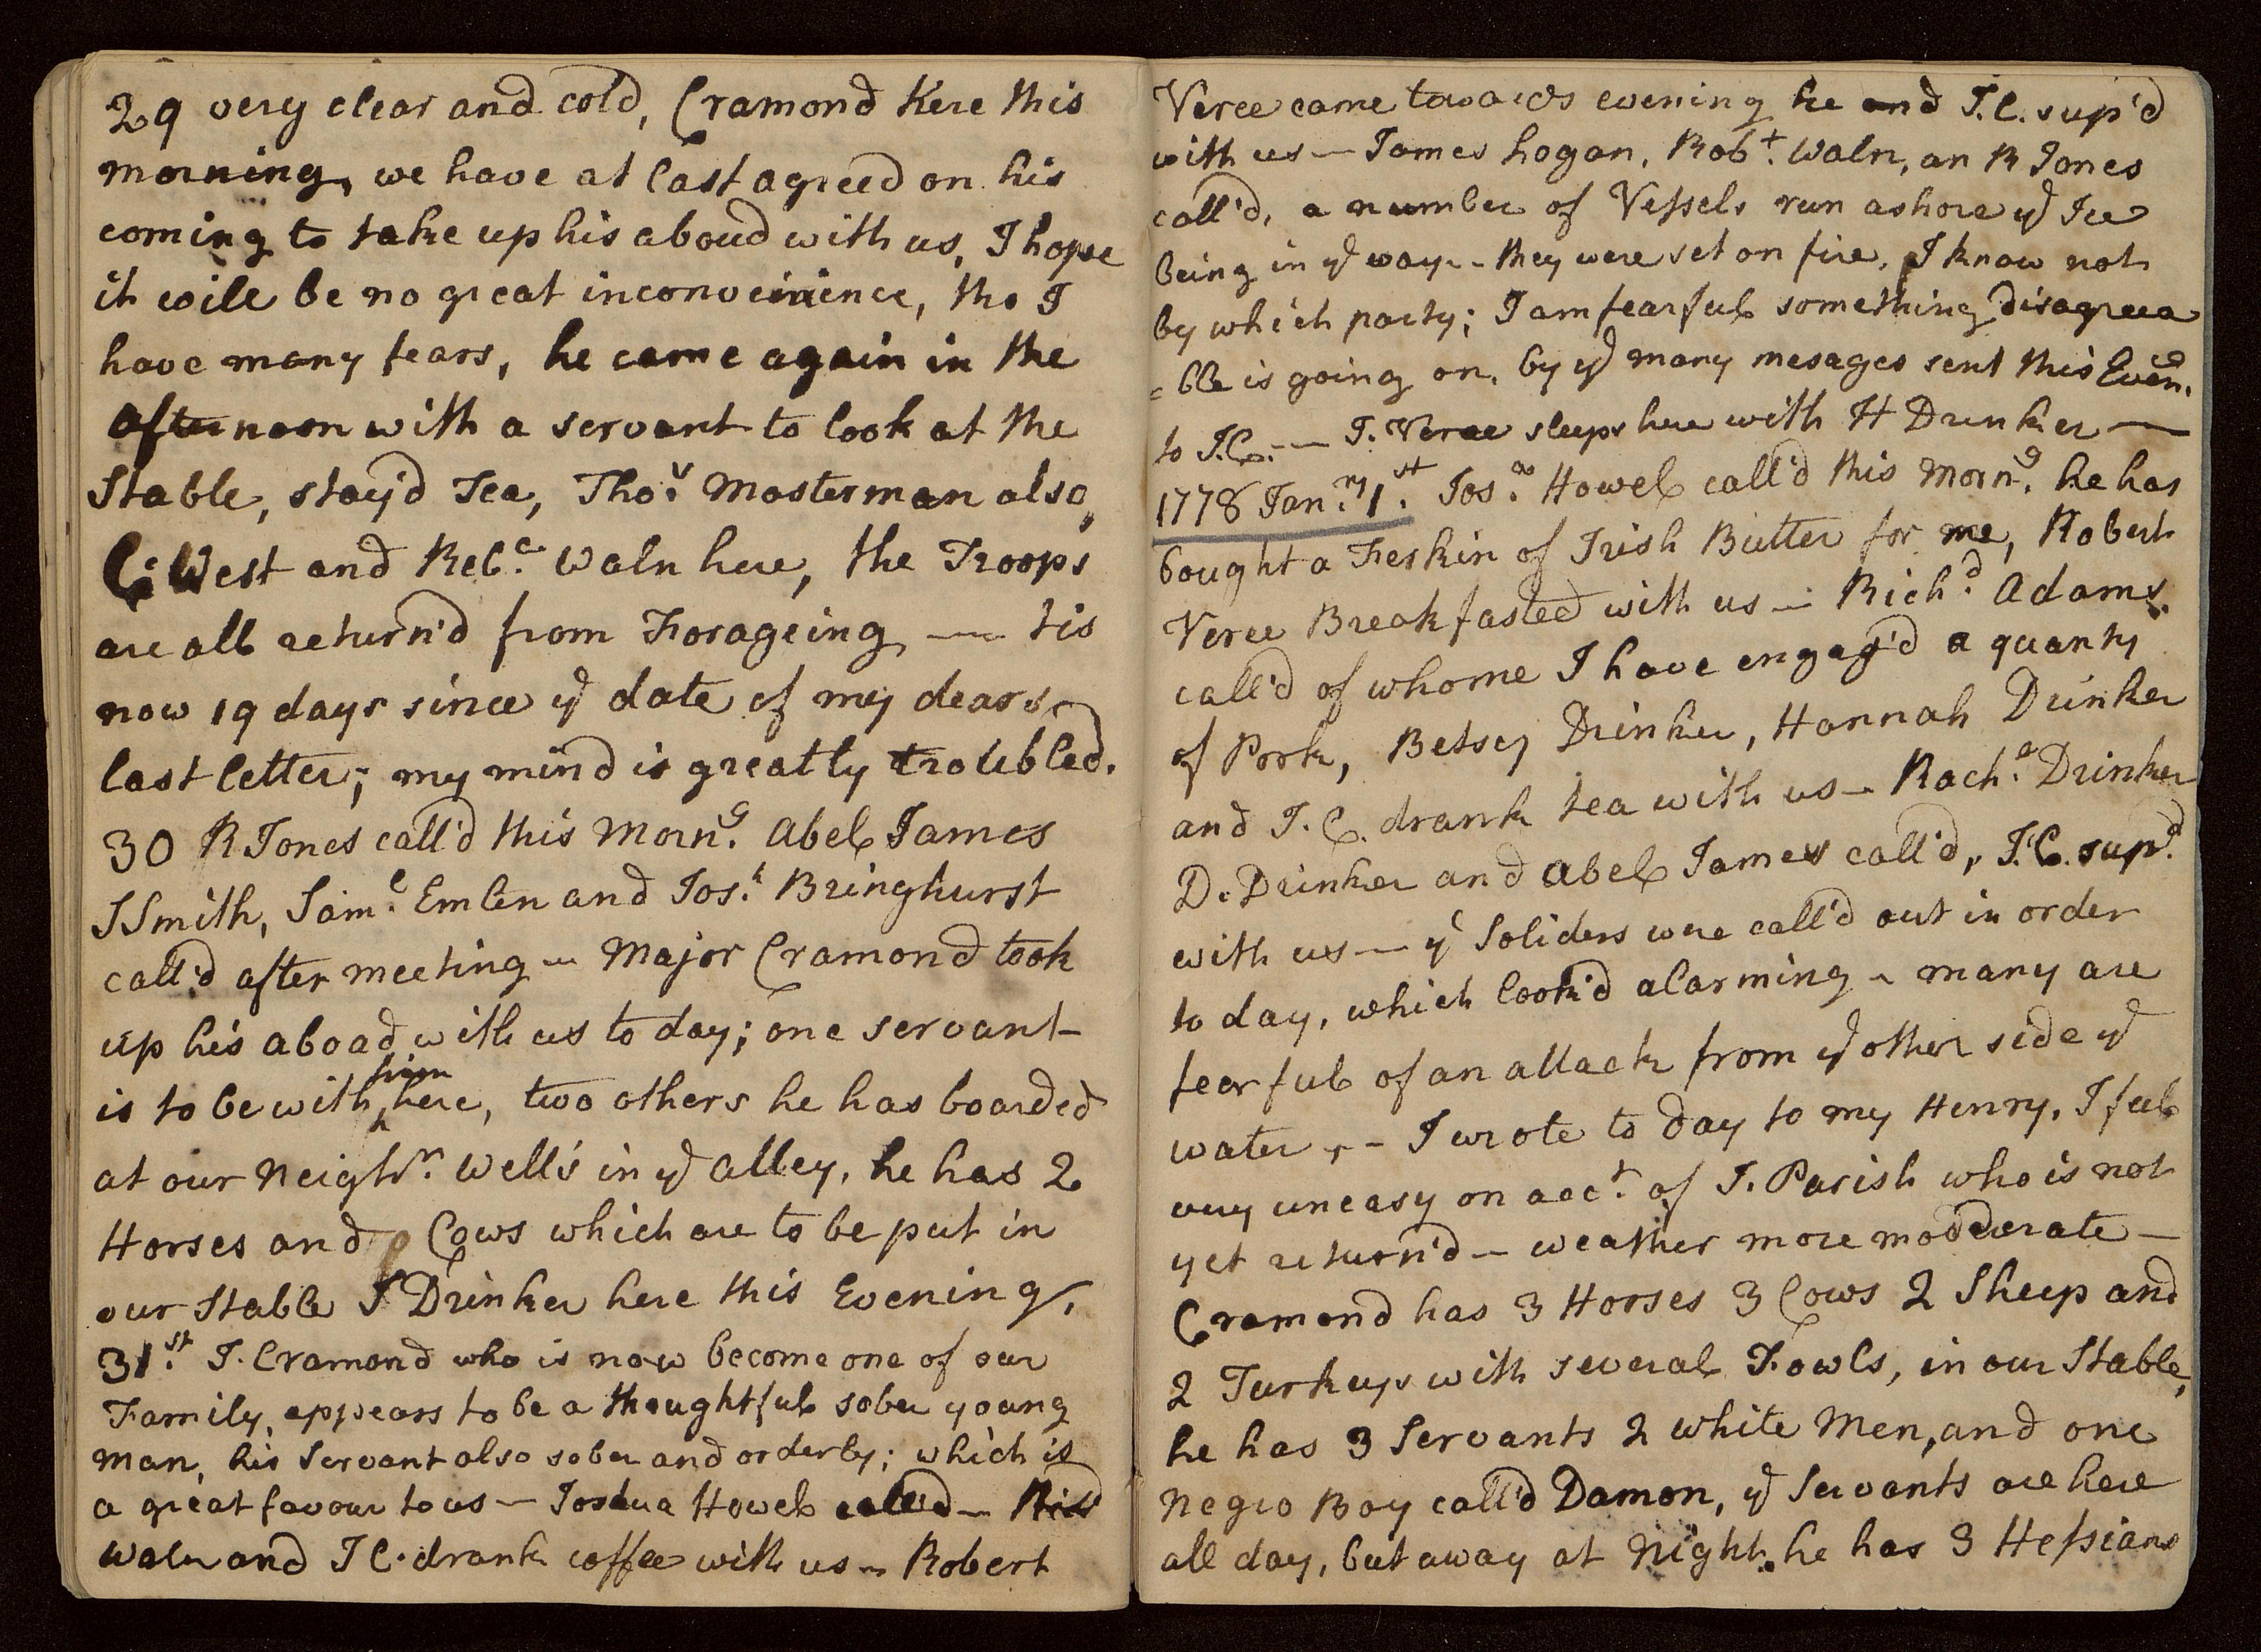29 very clear and cold, Cramond here this
morning, we have at last agreed on his
coming to take up his aboud with us, I hope
it will be no great inconveinience, tho I
have many fears, he came again in the
Afternoon with a servant to look at the
Stable, stay'd Tea, Tho^s. Masterman also,
C. West and Reb^a. Waln here, the Troops
are all return'd from Forageing- tis
now 19 days since y^e date of my dears
last letter; my mind is greatly troubled.
30 R Jones call'd this Morn^g. Abel James
S Smith, Sam^l. Emlen and Jos^h. Bringhurst
call'd after meeting- Major Cramond took
up his aboad with us to day; one servant-
him
is to be with ^ here, two others he has boarded
at our Neigh^r. Well's in y^e alley, he has 2
Horses and Cows which are to be put in
our Stable I Drinker here this Evening,
31^st. S: Cramond who is now become one of our
Family, appears to be a thoughtful sober young
man, his servant also sober and or derby; which is
a great favour to us- Joshua Howel call'd - Rich^d.
Waln and JC drank coffee with us- Robert
Varee came towards evening he and J.I. sup'd
with us- James Logan, Rob^t. Waln, an R Jones
call'd, a number of Vessels run ashore y^e see
being in y^e way- they were set on fire, I know not
by which party; I am fearful something disagreea
-ble is going on. by y^e many mesages sent this Even^g.
to J .C.-- J. Veree sleeps here with H Drinker-
1778 Jan^ry. 1^st. Jos^h. Howel call'd this morn^g. he has
bought a Ferkin? of Irish Butter for me, Robert
Veree Breakfasted with us- Rich^d. Adams
call'd of whome I have engag'd a quanty
of Pork, Betsey Drinker, Hannah Drinker
and I. C. drank tea with us- Rach^l. Drinker
D. Drinker and Abel James call'd, I. C. sup^d.
with us- y^e Soliders were call'd out in order
to day, which look'd alarming- many are
feerful of an attack from y^e other side y^e
water-- I wrote to day to my Henry, I feel
very uneasy on acc^t. of I. Parish who is not
yet return'd- weather more modderate-
Cramond has 3 Horses 3 Cows 2 Sheep and
2 Turkeys with several Fowls, in our Stable,
he has 3 Servants 2 White Men, and one
Negro Boy call'd Damon, y^e servants are here
all day, but away at Night he has 3 Hessians